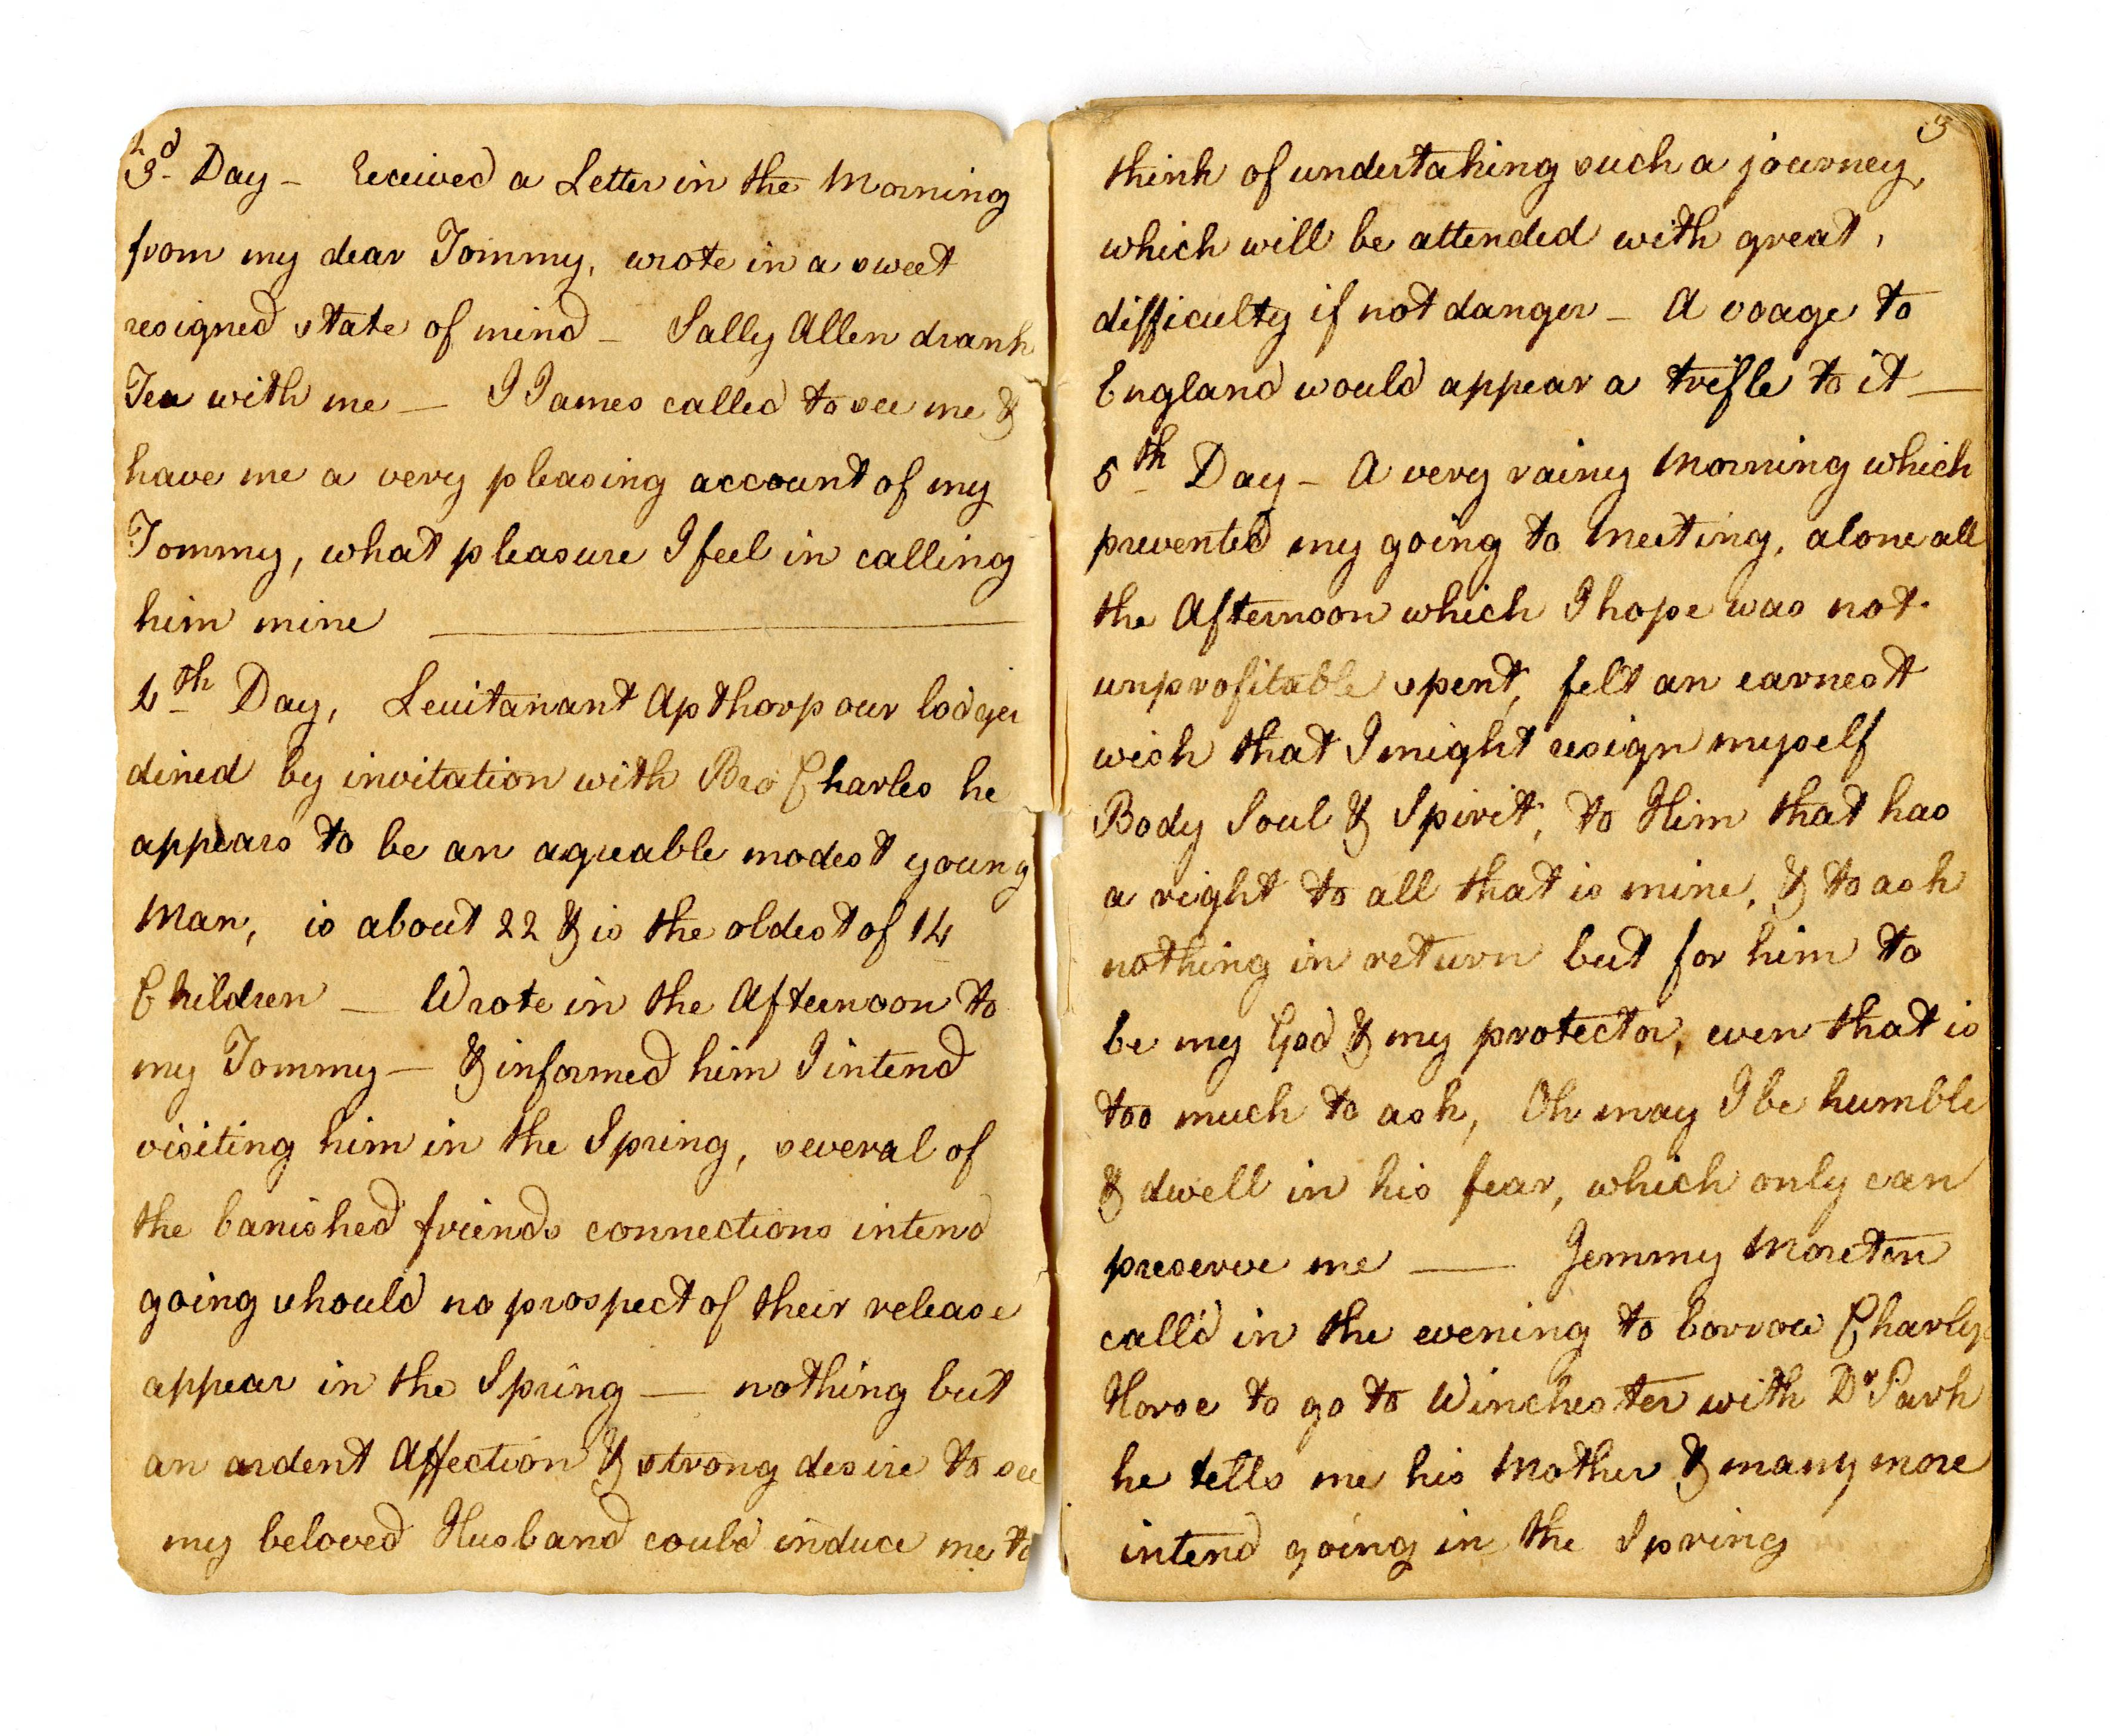2
3^d. Day- received a Letter the morning
from my dear Tommy, wrote in a sweet
resigned state of mind- Sally Allen drank
Tea with me- I James called to see me &
have me a very pleasing account of my
Tommy, what pleasure I feel in calling
him mine
4^th Day, Leuitanant Apthorp our lodger
dined by invitation with Bro' Charles he
appears to be an agreable modest young
Man, is about 22 & is the oldest of 14
Children- Wrote in the Afternoon to
my Tommy- & informed him I intend
visiting him in the Spring, several of
the banished friends connections intend
going should no prospect of their release
appear in the Spring- nothing but
an ardent Affection & strong desire to see
my beloved Husband could induce me to
3
think of undertaking such a journey
which will be attended with great,
difficulty if not danger- A voage to
England would appear a trifle to it-
5^th Day- A very rainy Morning which
prevented my going to Meeting, alone all
the Afternoon which I hope was not
unprofitable spent, felt an earnestt
wish that I might resign myself
Body Soul & Spirit, to Him that has
a right to all that is mine, & to ask
nothing in return but for him to
be my God & my protector, even that is
too much to ask, Oh may I be humble
& dwell in his fear, which only can
preserve me- Jemmy Moreton
call'd in the evening to borrow Charly
Horse to go to Winchester with D^r Park
he tells me his Mother & many more
intend going in the Spring